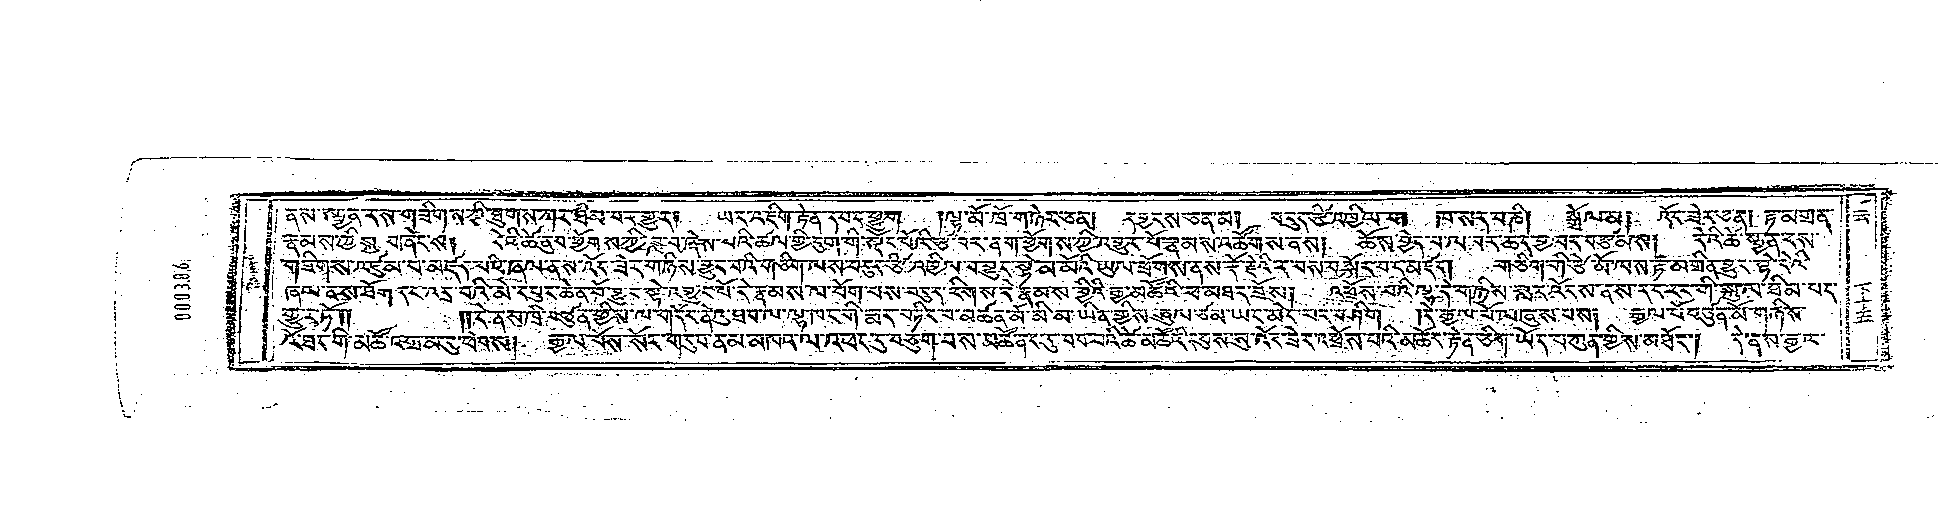ནས་སྤྱན་རས་གཟིགས་ཀྱི་ཐུགས་ཀར་ཐིམ་པར་གྱུར། ཡང་འཇིག་རྟེན་དབང་ཕྱུག །ལྷ་མོ་ཁྲོ་གཉེར་ཅན། དབྱངས་ཅན་མ། བདུད་རྩི་འཁྱིལ་པ། ཁ་སར་པ་ཎི། སྒྲོལ་མ། འོད་ཟེར་ཅན། རྟ་མགྲིན་
རྣམས་ཀྱི་སྐུ་བཞེངས། དེའི་ཚེ་ནུབ་ཕྱོགས་ཀྱི་ཟླ་བ་ཞེས་པའི་ཚལ་གྱི་དུག་གི་སྡོང་པོའི་རྩ་བར་ནག་ཕྱོགས་ཀྱི་འབྱུང་པོ་རྣམས་འཚོགས་ནས། ཆོས་བྱེད་པ་ལ་བར་ཆད་བྱ་བར་བརྩམས། དེའི་ཚེ་སྤྱན་རས་
གཟིགས་འཛུམ་པ་མཛད་པའི་ཞལ་ནས་འོད་ཟེར་གཉིས་བྱུང་བའི་གཅིག་ལས་བདུད་རྩི་འཁྱིལ་བ་བྱུང་སྟེ་མ་མོའི་ཡུལ་ཕྲོགས་ནས་རྡོ་རྗེའི་ར་བས་བསྐོར་བར་མཛད། གཅིག་གི་རྩེ་མོ་ཁས་རྟ་མགྲིན་བྱུང་སྟེ་དེའི་
ཞལ་ནས་ཐོག་དང་འདྲ་བའི་མེ་དཔུང་ཆེན་པོ་བྱུང་སྟེ་འབྱུང་པོ་དེ་རྣམས་ལ་ཕོག་པས་བདུད་རིགས་དེ་རྣམས་ཕྱིའི་རྒྱ་མཚོའི་ཕ་མཐར་བྲོས། འཕྲོས་པའི་ལྷ་དེ་གཉིས་སླར་འོངས་ནས་རང་རང་གི་སྐུ་ལ་ཐིམ་པར་
གྱུར་ཏོ།། །།དེ་ནས་ཁྲི་བཙུན་གྱིས་ལ་གདོང་ནེའུ་ཐབ་ལ་ལྷ་ཁང་གི་རྨང་བཏིང་བ་མཚན་མོ་མི་མ་ཡིན་གྱིས་ཤུལ་ཙམ་ཡང་མེད་པར་བཤིག །དེ་རྒྱལ་པོ་ལ་ཞུས་པས། རྒྱལ་པོ་བཙུན་མོ་གཉིས་
འོ་ཐང་གི་མཚོ་འགྲམ་དུ་ཕེབས། རྒྱལ་པོས་སོར་གདུབ་ནམ་མཁའ་ལ་འཕང་དུ་བཅུག་པས་མཚོ་ནང་དུ་བབ་བའི་ཚེ་མཚོའི་དབུས་སུ་འོད་ཟེར་འཕྲོས་པའི་མཆོད་རྟེན་ཅིག་ཡོད་པ་ཀུན་གྱིས་མཐོང་། དེ་ནས་རྒྱལ་